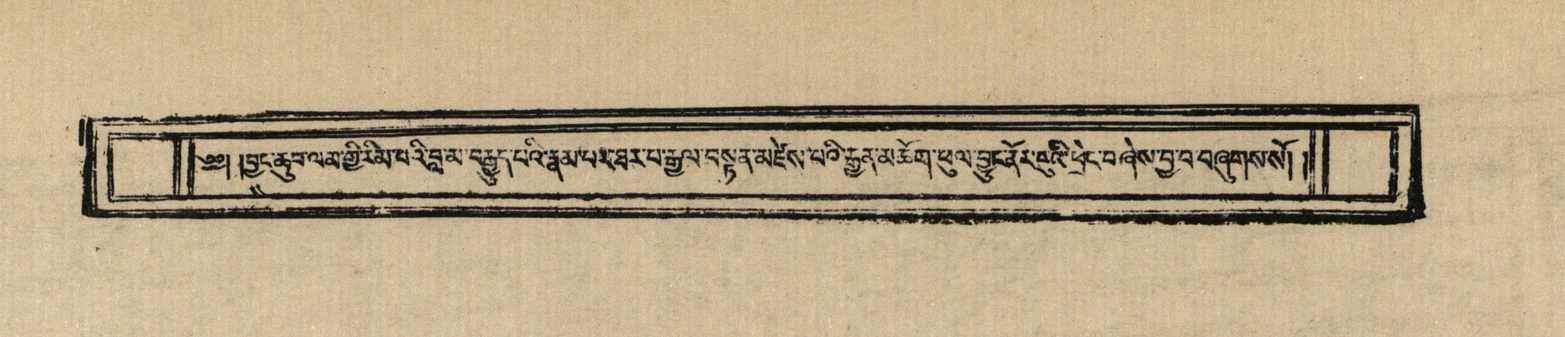༄༅། །བྱང་ཆུབ་ལམ་གྱི་རིམ་པའི་བླ་མ་བརྒྱུད་པའི་རྣམ་པར་ཐར་པ་རྒྱལ་བསྟན་མཛེས་པའི་རྒྱན་མཆོག་ཕུལ་བྱུང་ནོར་བུའི་ཕྲེང་བ་ཞེས་བྱ་བ་བཞུགས་སོ། །